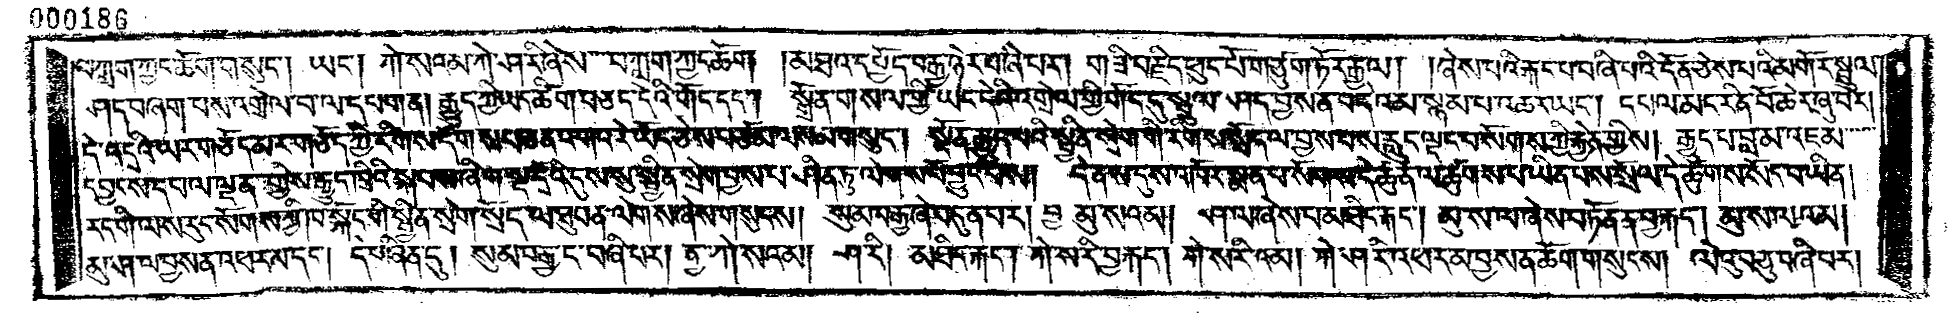པ་ཀླག་ཀྱང་ཆོག་གསུང་། ཡང་། ཀེ་སའམ་ཀེ་ཤ་རི་ཞེས་བཀླག་ཀྱང་ཆོག །མཐའ་དཔྱོད་བརྒྱ་ཉེར་བཞི་པར། གཟི་བརྗིད་ཕུང་པོ་གཙུག་ཏོར་རྒྱལ། །ཞེས་པའི་རྐང་པ་བཞི་པའི་དོན་ཅེས་པའི་མགོར་སྤྲུལ་
ཤད་བཞག་པས་འགྲེལ་བ་ལ་དཔག་ན། རྒྱུད་ཀྱི་ཡང་ཚིག་བཅད་དེའི་གོང་དང་། སྒྲོན་གསལ་གྱི་ཡང་དེའི་འགྲེལ་གྱི་གོང་དུ་སྤྲུལ་ཤད་བྱས་ན་བདེའམ་སྙམ་པ་འཆར་ཡང་། དཔལ་མང་རིན་པོ་ཆེར་ཞུ་བར།
དེ་འདྲའི་ཡར་གཅོད་མར་གཅོད་ཀྱི་རིགས་དོགས་པ་ཅན་འགའ་རེ་ཡོད་ཅེས་པ་ཙམ་ལས་མ་གསུང་། སྔོན་རྒྱུད་པའི་སྦྱིན་སྲེག་གི་རིགས་སྲོད་ལ་བྱས་པས་རླུང་ལྡང་བ་སོགས་ཀྱི་རྐྱེན་གྱིས། རྒྱུད་པ་བླ་མ་འཇམ་
དབྱངས་དཔལ་ལྡན་གྱིས་རྒྱུད་ཁྲིའི་སྐབས་ཞིག་སྔ་དྲོའི་དུས་སུ་སྦྱིན་སྲེག་བྱས་པ་ཤིན་ཏུ་ལེགས་པོ་བྱུང་བས། དེ་ནས་དུས་འཁོར་སྨན་པ་སོགས་དེ་ཚུན་ལ་ཚུགས་པ་ཡིན་པས་སྲོལ་དེ་ཚུགས་སོང་བ་ཡིན།
རང་གི་ལས་རུང་སོགས་ཀྱི་ཁ་སྐོང་གི་སྦྱིན་སྲེག་སྲོད་ལ་ཐུབ་ན་ལེགས་ཞེས་གསུངས། སུམ་བརྒྱ་ཞེ་བདུན་པར། བྱ་མུ་སའམ། ཤ་ལ་ཞེས་པ་མཐིང་རྐང་། མུ་ས་ལ་ཞེས་བཏོན་ན་བྱ་རྐང་། མུ་ས་ལའམ།
མུ་ཤ་ལ་བྱས་ན་འཕར་མ་དང་། དེ་བཞིན་དུ། སུམ་བརྒྱ་ང་བཞི་པར། ནྱ་ཀེ་སའམ། ཤ་རི། མཐིང་རྐང་། ཀེ་ས་རི་བྱ་རྐང་། ཀེ་ས་རི་འམ། ཀེ་ཤ་རི་འཕར་མ་བྱས་ན་ཆོག་གསུངས། ལེའུ་བཅུ་བཞི་པར།